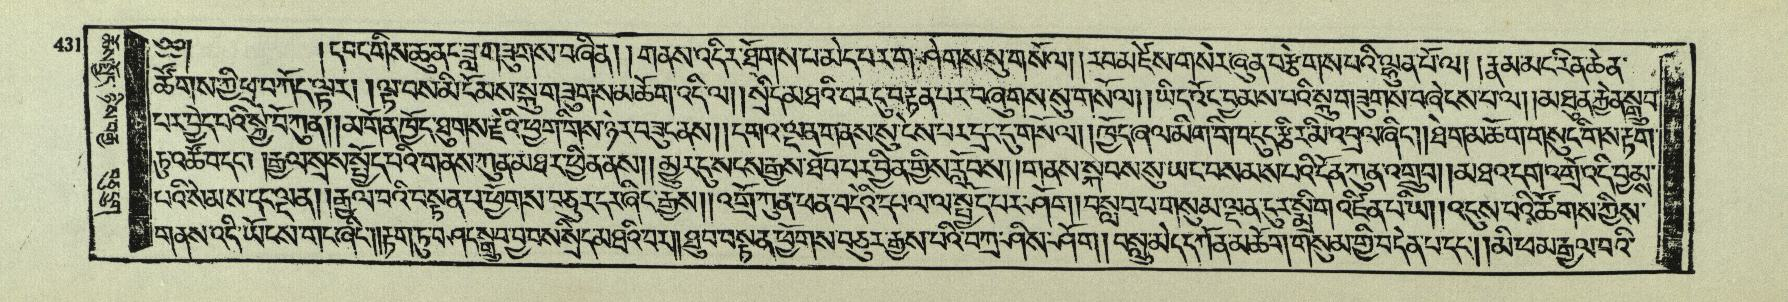༄༅། །དབང་གིས་ཆུ་ནང་ཟླ་གཟུགས་བཞིན། །གནས་འདིར་ཐོགས་པ་མེད་པར་གཤེགས་སུ་གསོལ། །རབ་མཛེས་གསེར་ཞུན་བརྩེགས་པའི་ལྷུན་པོ་ལ། །རྣམ་མང་རིན་ཆེན་
ཚོགས་ཀྱི་ཕྲ་བཀོད་ལྟར། །ལྟ་བས་མི་ངོམས་སྐུ་གཟུགས་མཆོག་འདི་ལ། །སྲིད་མཐའི་བར་དུ་བརྟན་པར་བཞུགས་སུ་གསོལ། །ཡིད་འོང་བྱམས་པའི་སྐུ་གཟུགས་བཞེངས་པ་ལ། །མཐུན་རྐྱེན་སྒྲུབ་
པར་བྱེད་པའི་སྐྱེ་བོ་ཀུན། །མགོན་ཁྱོད་ཐུགས་རྗེའི་ཕྱག་གིས་ཉེར་བཟུང་ནས། །དགའ་ལྡན་གནས་སུ་ངེས་པར་དྲང་དུ་གསོལ། །ཁྱོད་ཞལ་མིག་གི་བདུད་རྩིར་མི་འབྲལ་ཞིང་། །ཐེག་མཆོག་གསུང་གིས་རྟག་
ཏུ་འཚོ་བ་དང་། །རྒྱལ་སྲས་སྤྱོད་པའི་གནས་ཀུན་མཐར་ཕྱིན་ནས། །མྱུར་དུ་སངས་རྒྱས་ཐོབ་པར་བྱིན་གྱིས་རློབས། །གནས་སྐབས་སུ་ཡང་བསམས་པའི་དོན་ཀུན་འགྲུབ། །མཐའ་དག་འགྲོ་འདི་བྱམས་
པའི་སེམས་དང་ལྡན། །རྒྱལ་བའི་བསྟན་པ་ཕྱོགས་བཅུར་དར་ཞིང་རྒྱས། །འགྲོ་ཀུན་ཕན་བདེའི་དཔལ་ལ་སྤྱོད་པར་ཤོག །བསླབ་པ་གསུམ་ལྡན་ངུར་སྨྲིག་འཛིན་པ་ཡི། །འདུས་པའི་ཚོགས་ཀྱིས་
གནས་འདི་ཡོངས་གང་ཞིང་། །རྟག་ཏུ་བཤད་སྒྲུབ་བྱ་བས་སྲིད་མཐའི་བར། །ཐུབ་བསྟན་ཕྱོགས་བཅུར་རྒྱས་པའི་བཀྲ་ཤིས་ཤོག །བསླུ་མེད་དཀོན་མཆོག་གསུམ་གྱི་བདེན་པ་དང་། །མི་ཕམ་རྒྱལ་བའི་